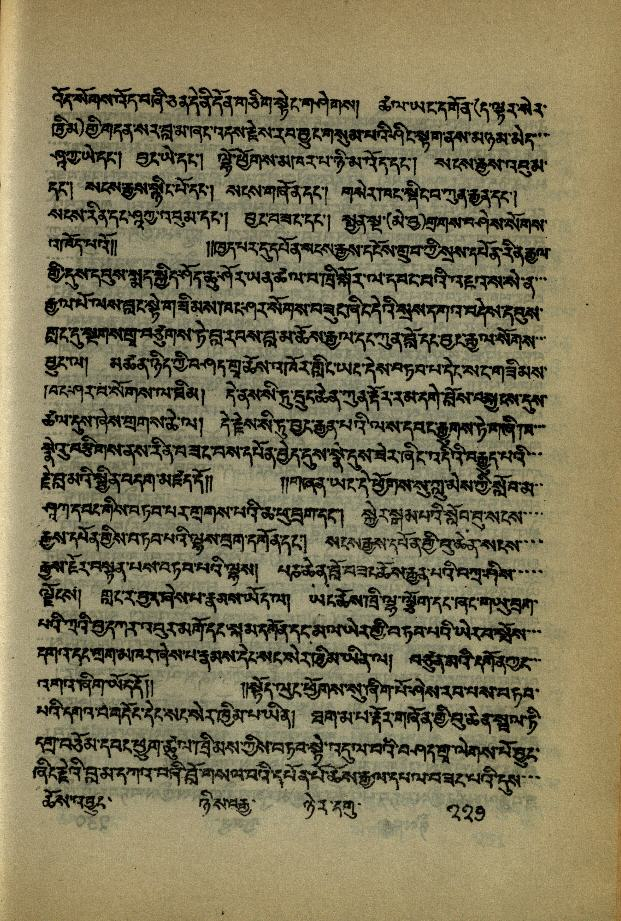འོད་སོགས་འོད་བཞི་ཅན་དེ་ནི་དོན་གཅིག་སྟེང་གཤེགས། ཚལ་ཡང་དགོན་ད་ལྟར་སེར་
ཁྱིམ་གྱི་གདན་སར་བླ་མ་ཞང་འདས་རྗེས་རབ་བྱུང་གསུམ་པའི་ཤིང་སྟག་ནས་མཉམ་མེད་
ཤཱཀྱ་ཡེ་དང་། བྱང་ཡེ་དང་། ལྷོ་ཕྱོགས་མཁར་པ་ཉི་མ་འོད་དང་། སངས་རྒྱས་འབུམ་
དང་། སངས་རྒྱས་སྙིང་པོ་དང་། སངས་གཞོན་དང་། གསེར་ཁང་སྡིང་བ་ཀུན་རྒྱན་དང་།
སངས་རིན་དང་ཤཱཀྱ་འབུམ་དང་། བྱང་བཟང་དང་། སྤྱན་སྔ་མེ་བྱ་གྲགས་བཤེས་སོགས་
འཁོད་པའོ།། །།ཁྱད་པར་དུ་དཔོན་སངས་རྒྱས་དངོས་གྲུབ་ཀྱི་སྲས་དཔོན་རིན་རྒྱལ་
གྱི་དུས་དབུས་སྨད་སྐྱིད་ཤོད་ཆུ་ཤོར་ཡན་ཚལ་བ་ཁྲི་སྐོར་ལ་དབང་བའི་འཇའ་ས་སེ་ན་
རྒྱལ་པོ་ལས་བླང་སྟེ་གཟིམས་ཁང་ཤར་སོགས་བཟུང་ཞིང་དེའི་སྲས་དགའ་བདེས་དབུས་
གླང་དུ་སྔགས་གྲྭ་བཙུགས་ཏེ་བླ་རབས་བླ་མ་ཆོས་རྒྱལ་དང་ཀུན་བློ་དང་བྱང་རྒྱལ་སོགས་
བྱུང་ལ། མཚན་ཉིད་ཀྱི་བཤད་གྲྭ་ཆོས་འཁོར་གླིང་ཡང་དེས་བཏབ་པ་དེང་སང་གཟིམས་
ཁང་ཤར་བ་སོགས་ལ་ཐིམ། དེ་ནས་སི་ཏུ་དྲུང་ཆེན་ཀུན་རྡོར་རམ་དགེ་བློས་བསྐྱངས་དུས་
ཚལ་དུས་ཞེས་གྲགས་ཆེ་ལ། དེ་རྗེས་སི་ཏུ་བྱང་རྒྱན་པའི་ལས་དབང་རྒྱུགས་ཏེ་གཞི་ཁ་
སྣེའུ་བརྩིགས་ན་སྲིན་བཟང་བས་དཔོན་བྱེད་དུས་སྣེ་དུས་ཟེར་ཞིང་འདིའི་བརྒྱུད་པའི་
རྗེ་བླ་མའི་སྦྱིན་བདག་མཛད་དོ།། །།གཞན་ཡང་དེ་ཕྱོགས་སུ་ཀླུ་མེས་ཀྱི་སློབ་མ་
ཤཱཀ་དབང་གིས་བཏབ་པར་གྲགས་པའི་ཆ་ཕུ་གྲག་དང་། སྐྱེར་སྒམ་པའི་སློབ་བུ་སངས་
རྒྱས་དཔོན་གྱིས་བཏབ་པའི་ལྷས་བྲག་དགོན་དང་། སངས་རྒྱས་དཔོན་གྱི་བུ་ཆེན་སངས་
རྒྱས་ཇོར་བསྟན་པས་བཏབ་པའི་ལྷས། པཎ་ཆེན་བློ་བཟང་ཆོས་རྒྱན་པའི་བཀྲ་ཤིས་
ལྗོངས། གླང་ར་བྱར་ཞེས་པ་རྣམས་ཡོད་ལ། ཡང་ཆོས་ཁྲི་ལྷ་ལྕོག་དང་ཞང་གཡུ་བྲག་
པའི་ཀྲའི་བྱ་དཀར་འབུར་མགོ་དང་སྐམ་དགོན་དང་མ་ལ་ཡེར་གྱི་བཏབ་པའི་ཡེར་བ་སྤོས་
དགའ་དང་གྲག་མཁར་ཞེས་པ་རྣམས་དེང་སང་སེར་ཁྱིམ་ཡིན་ལ། བཙུན་མའི་དགོན་ཀྱང་
འགའ་ཞིག་ཡོད་དོ།། །།སྟོད་ལུང་ཕྱོགས་སུ་ཞིག་པོ་ཤེས་རབ་པས་བཏབ་
པའི་དགའ་བ་གདོང་དེང་སང་སེར་ཁྱིམ་པ་ཡིན། ཐག་མ་པ་རྡོར་གཞོན་གྱི་བུ་ཆེན་སྦལ་ཏི་
དགྲ་བཅོམ་དབང་ཕྱུག་ཚུལ་ཁྲིམས་ཀྱིས་བཏབ་སྟེ་འདུལ་བའི་བཤད་གྲྭ་ལེགས་པོ་བྱུང་
ཞིང་རྗེའི་བླ་མ་དཀའ་བཞི་བློ་གསལ་བའི་དཔོན་པོ་ཆོས་རྒྱལ་དཔལ་བཟང་པའི་དུས་